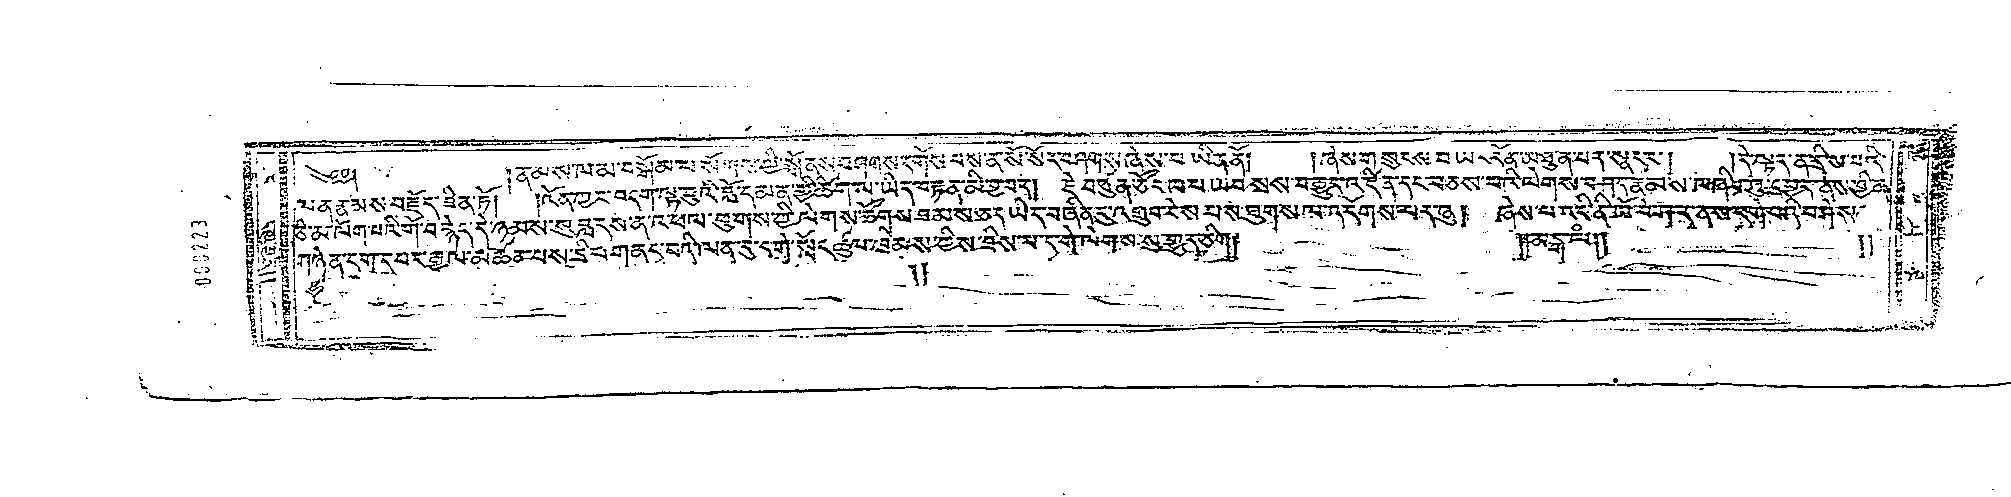༄༅། །རྣམ་ལམ་བསྒོམ་པ་སོགས་ཀྱི་སྒོ་ནས་བཤགས་དོགས་པས་ན་སོ་སོར་བཤགས་ཞེས་པ་ཡིན་ནོ། །ཞེས་གསུངས་བ་ཡང་དོན་མཐུན་པར་སྣང་ངོ། །དེ་ལྟར་ན་དྲིས་པའི་
ལན་རྣམས་བརྗོད་ཟིན་ཏོ། །འོན་ཀྱང་བདག་ལྟ་བུའི་བློ་དམན་གྱི་ཚིག་ལ་ཡིད་བརྟན་མི་བྱ་བར། རྗེ་བཙུན་ཙོང་ཁ་པ་ཡབ་སྲས་བརྒྱུད་འཛིན་དང་བཅས་པའི་ལེགས་བཤད་རྣམས་ལ་ཞིབ་ཏུ་དཔྱད་ནས་ཕྱིན་
ཅི་མ་ལོག་པའི་གོ་བརྙེད་དེ་ཉམས་སུ་བླངས་ན་འཕྲལ་ཕུགས་ཀྱི་ལེགས་ཚོགས་ཐམས་ཅད་ཡིད་བཞིན་དུ་འགྲུབ་ངེས་པས་ཐུགས་ལ་འདོགས་པར་ཞུ། ཞེས་པ་འདི་ནི་ཁོ་བོ་ཤར་ནས་དགེ་བའི་བཤེས་
གཉེན་ངག་དབང་རྒྱལ་མཚན་པས་དྲི་བ་གནང་བའི་ལན་དུ་དགེ་སློང་ཚུལ་ཁྲིམས་ཀྱིས་བྲིས་པ་དགེ་ལེགས་སུ་གྱུར་ཅིག། །།མངྒ་ལཾ།། །།